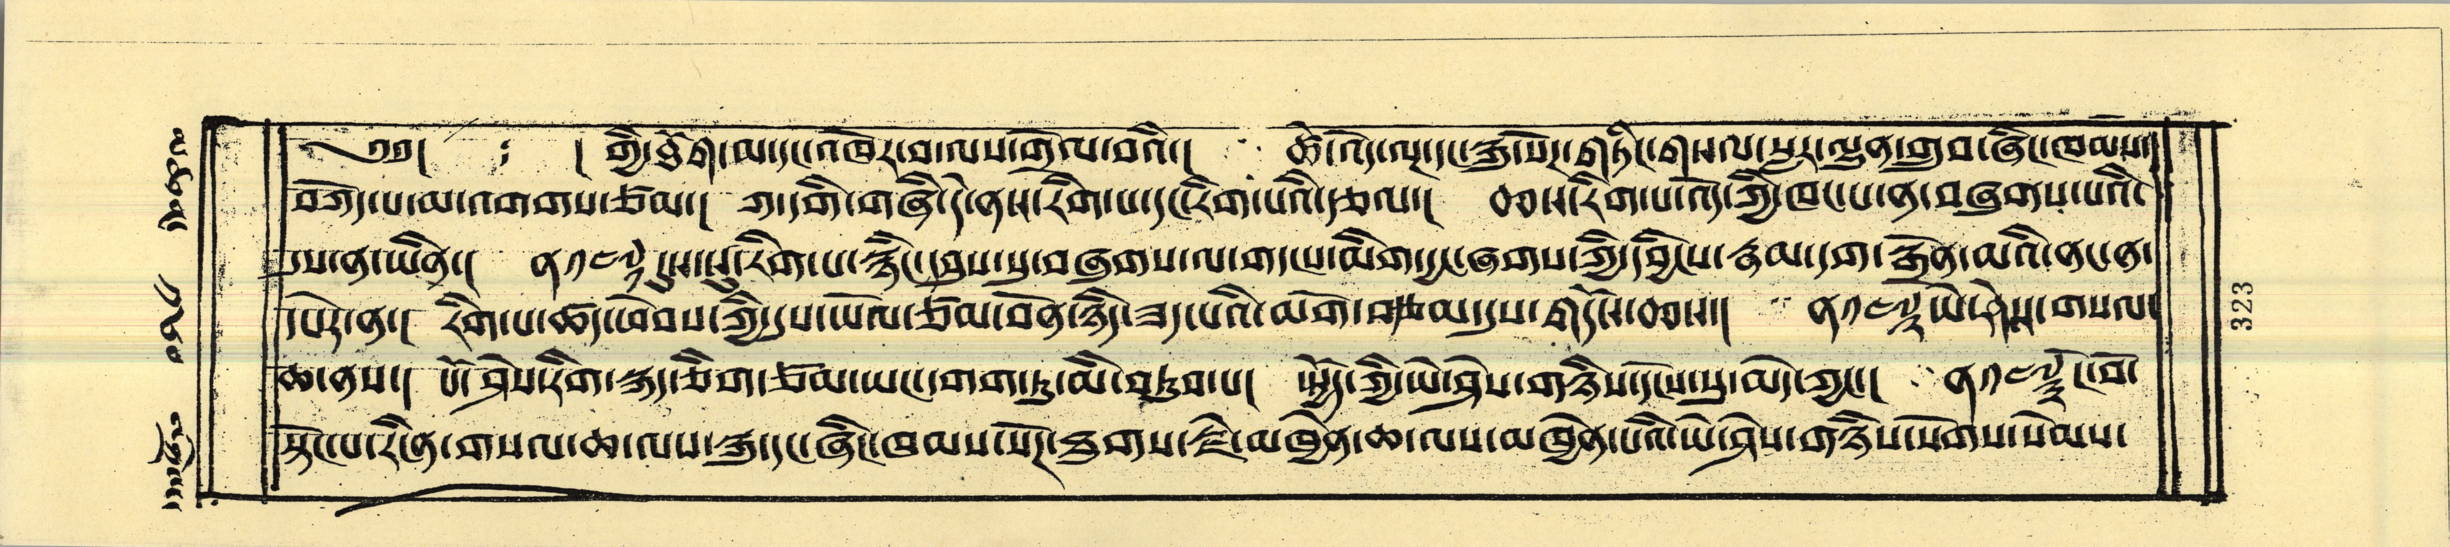གྱི་ ༼ཐོག་༽མ་དང་འཁོར་བ་ལས་གྲོལ་བའི། ༼ཚེ་༽འོད་ལྔ་དང་སྐུ་སོགས་ ༼གཏིང་གསལ་༽སླར་ལྷུན་གྲུབ་ཞིང་ཁམས་
བཀོད་པ་མ་འགགས་ཙམ། ཀ་དག་གི་གཞི་ ༼དེ་ནས་༽རིག་པ་དང་རིག་པའི་རྩལ། ༼བཅས་༽རིག་པ་འོད་ཀྱི་ཁང་པ་ན་བཞུགས་པའི་
དུས་ན་ཡིན། ན༡༤༧།༡ ༼དུས་སུ་༽རིག་པ་སྙིང་དབུས་སུ་བཞུགས་ལ་གདངས་མིག་རྒྱང་ཞགས་ཀྱི་དབྱིངས་རྣམ་དག་སྒྲོན་མའི་ནང་ན་
དཔེར་ན། རིག་པ་ཚད་ཕེབས་ཀྱི་དུས་ཡོལ་ཙམ་བོན་ཉིད་ཟད་པའི་མགོ་བརྩམ་དུས་ ༼གདོས་བཅས།༽ན༡༤༧།༢ ༼ཡེ་ཤེས་༽གསལ་
ཆ་ནས། ༼པོ་༽ཤེས་རིག་སྐད་ཅིག་ཙམ་ཡང་དགག་ཏུ་མི་བཏུབ་པ། ༼སྤྱོད་༽ཀྱི་ཡེ་ཤེས་གཉིས་དངོས་སུ་མེད་ཀྱང། ན༡༤༧།༣ ངོ་བོ་
སྟོང་པ་རང་བཞིན་གསལ་ཆ་ལས་སྐུ་དང་ཞིང་ཁམས་སོགས་ཐུགས་རྗེ་མཁྱེན་ཆ་ལས་མཁྱེན་པའི་ཡེ་ཤེས་གཉིས་སོགས་སེམས་